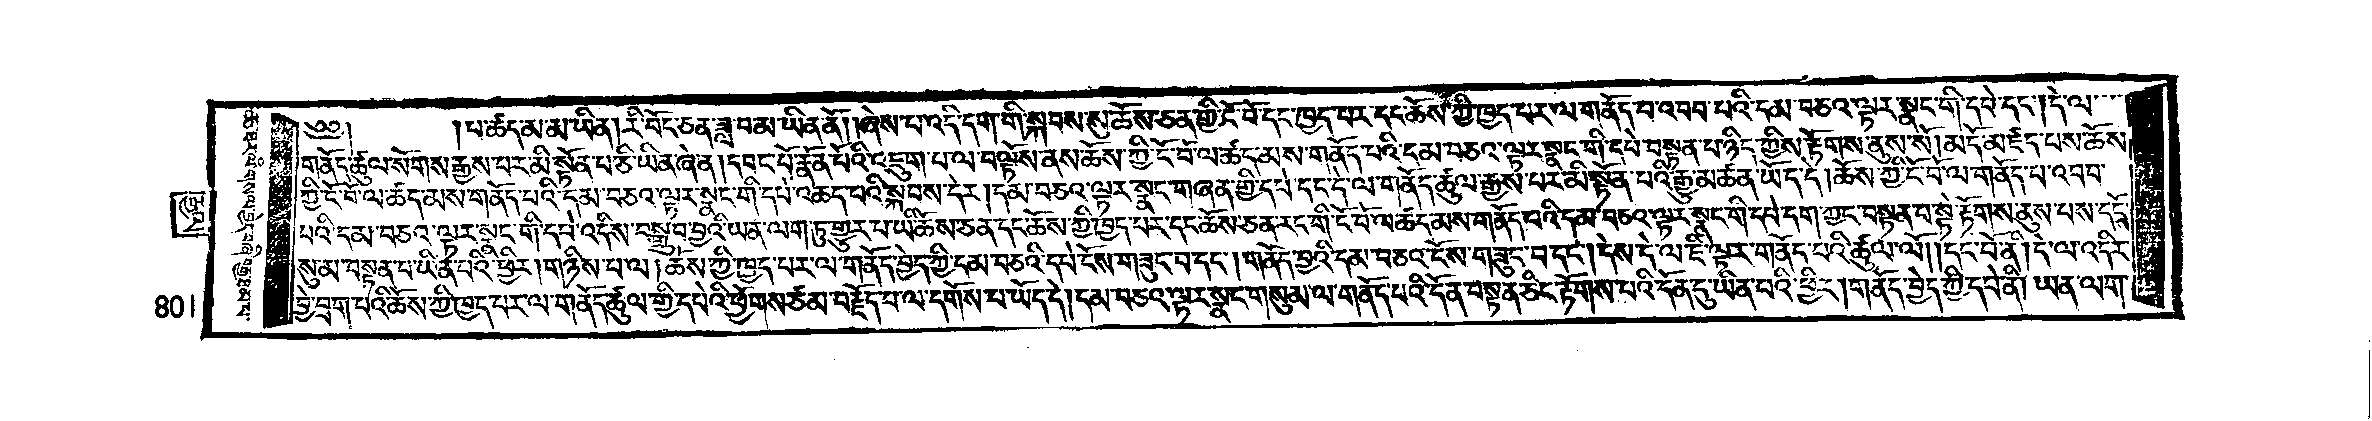༄༅། །པ་ཚད་མ་མ་ཡིན། རི་བོང་ཅན་ཟླ་བ་མ་ཡིན་ནོ། །ཞེས་པ་འདི་དག་གི་སྐབས་སུ་ཆོས་ཅན་གྱི་ངོ་བོ་དང་ཁྱད་པར་དང་ཆོས་ཀྱི་ཁྱད་པར་ལ་གནོད་པ་འབབ་པའི་དམ་བཅའ་ལྟར་སྣང་གི་དཔེ་དང་། དེ་ལ་
གནོད་ཚུལ་སོགས་རྒྱས་པར་མི་སྟོན་པ་ཅི་ཡིན་ཞེ་ན། དབང་པོ་རྣོན་པོའི་འཇུག་པ་ལ་བལྟོས་ནས་ཆོས་ཀྱི་ངོ་བོ་ལ་ཚད་མས་གནོད་པའི་དམ་བཅའ་ལྟར་སྣང་གི་དཔེ་བསྟན་པ་ཉིད་ཀྱིས་རྟོགས་ནུས་སོ། མདོ་མཛད་པས་ཆོས་
ཀྱི་ངོ་བོ་ལ་ཚད་མས་གནོད་པའི་དམ་བཅའ་ལྟར་སྣང་གི་དཔེ་འཆད་པའི་སྐབས་དེར། དམ་བཅའ་ལྟར་སྣང་གཞན་གྱི་དཔེ་དང་དེ་ལ་གནོད་ཚུལ་རྒྱས་པར་མི་སྟོན་པའི་རྒྱུ་མཚན་ཡོད་དེ། ཆོས་ཀྱི་ངོ་བོ་ལ་གནོད་པ་འབབ་
པའི་དམ་བཅའ་ལྟར་སྣང་གི་དཔེ་འདིས་བསྒྲུབ་བྱའི་ཡན་ལག་ཏུ་གྱུར་པ་ཡི་ཆོས་ཅན་དང་ཆོས་ཀྱི་ཁྱད་པར་དང་ཆོས་ཅན་རང་གི་ངོ་བོ་ལ་ཚད་མས་གནོད་པའི་དམ་བཅའ་ལྟར་སྣང་གི་དཔེ་དག་ཀྱང་བསྟན་པ་སྟེ་རྟོགས་ནུས་པས་དངོས་
སུ་མ་བསྟན་པ་ཡིན་པའི་ཕྱིར། གཉིས་པ་ལ། ཆོས་ཀྱི་ཁྱད་པར་ལ་གནོད་བྱེད་ཀྱི་དམ་བཅའི་དཔེ་ངོས་གཟུང་བ་དང་། གནོད་བྱའི་དམ་བཅའ་ངོས་གཟུང་བ་དང་། དེས་དེ་ལ་ཇི་ལྟར་གནོད་པའི་ཚུལ་ལོ། །དང་པོ་ནི། དེ་ལ་འདིར་
བྱེ་བྲག་པའི་ཆོས་ཀྱི་ཁྱད་པར་ལ་གནོད་ཚུལ་གྱི་དཔེའི་ཕྱོགས་ཙམ་བརྗོད་པ་ལ་དགོས་པ་ཡོད་དེ། དམ་བཅའ་ལྟར་སྣང་གསུམ་ལ་གནོད་པའི་དོན་བསྟན་ཅིང་རྟོགས་པའི་དོན་དུ་ཡིན་པའི་ཕྱིར། གནོད་བྱེད་ཀྱི་དཔེ་ནི། ཡན་ལག་